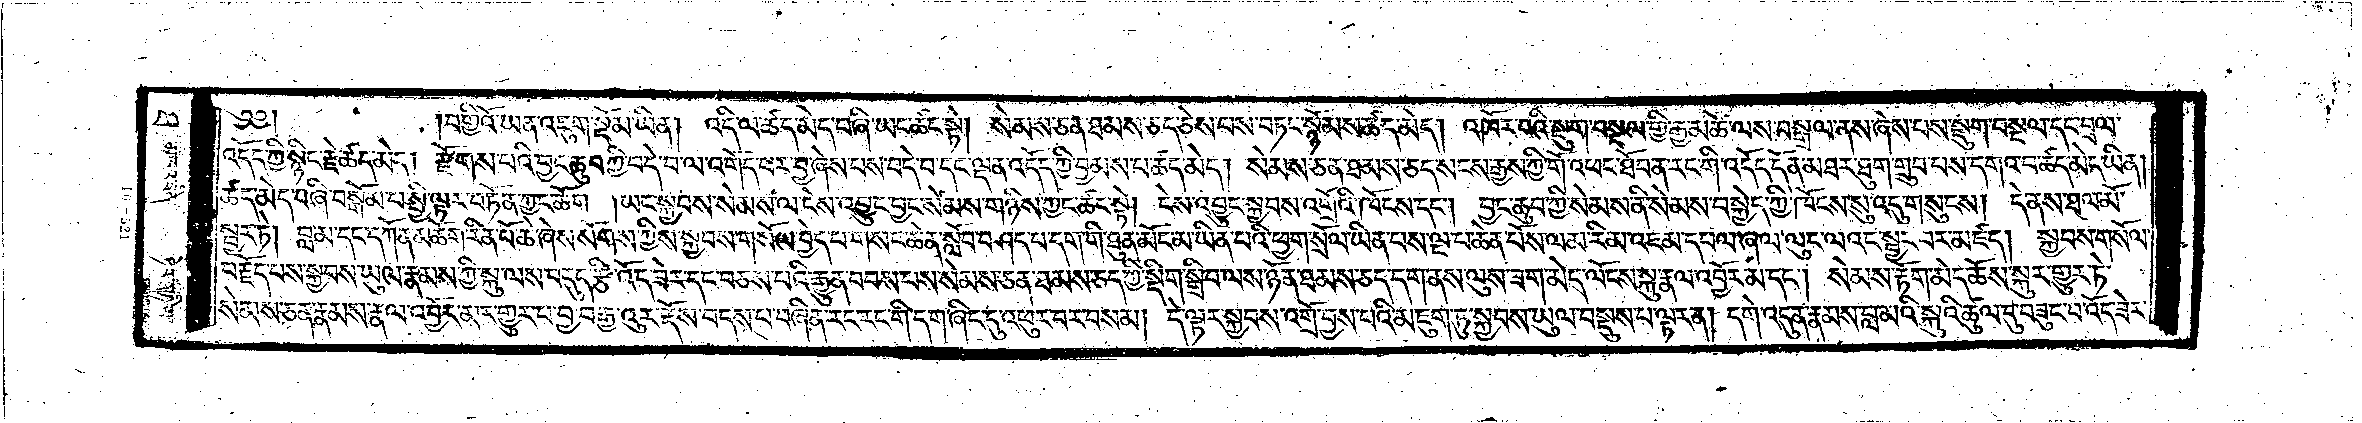༄༅། །བགྱིའོ་ཡན་འཇུག་སྔོ་མ་ཡིན། འདི་ལ་ཚད་མེད་བཞི་ཡང་ཚང་སྟེ། སེམས་ཅན་ཐམས་ཅད་ཅེས་བས་བཏང་སྙོམས་ཚད་མེད། འཁོར་བའི་སྡུག་བསྔལ་གྱི་རྒྱ་མཚོ་ལས་བསྒྲལ་ནས་ཞེས་པས་སྡུག་བསྔལ་དང་བྲལ་
འདོད་ཀྱི་སྙིང་རྗེ་ཚད་མེད། རྫོགས་པའི་བྱང་ཆུབ་ཀྱི་བདེ་བ་ལ་འགོད་པར་བྱ་ཞེས་བས་བདེ་བ་དང་ལྡན་འདོད་ཀྱི་བྱམས་པ་ཚད་མེད། སེམས་ཅན་ཐམས་ཅད་སངས་རྒྱས་ཀྱི་གོ་འཕང་ཐོབ་ན་རང་གི་འདོང་དོན་མཐར་ཐུག་གྲུབ་པས་དགའ་བ་ཚད་མེད་ཡིན།
ཚད་མེད་བཞི་བསྒོམ་པ་སྤྱི་ལྟར་བཏོན་ཀྱང་ཆོག །ཡང་སྐྱབས་སེམས་ལ་ངེས་འབྱུང་བྱང་སེམས་གཉིས་ཀྱང་ཚང་སྟེ། ངེས་འབྱུང་སྐྱབས་འགྲོའི་ཁོངས་དང་། བྱང་ཆུབ་ཀྱི་སེམས་ནི་སེམས་བསྐྱེད་ཀྱི་ཁོངས་སུ་འདུ་གསུངས། དེ་ནས་ཐལ་མོ་
སྦྱར་ཏེ། བླ་མ་དང་དཀོན་མཆོག་རིན་པོ་ཆེ་ཞེས་སོགས་ཀྱིས་སྐྱབས་གསོལ་བྱེད་པ་གསང་ཆེན་སློབ་བཤད་པ་དག་གི་ཐུན་མོང་མ་ཡིན་པའི་ཕྱག་སྲོལ་ཡིན་པས་ལྔ་པ་ཆེན་པོས་ལམ་རིམ་འཇམ་དཔལ་ཞལ་ལུང་ལའང་སྦྱར་བར་མཛད། སྐྱབས་གསོལ་
བརྗོད་པས་སྐྱབས་ཡུལ་རྣམས་ཀྱི་སྐུ་ལས་བདུད་རྩི་འོད་ཟེར་དང་བཅས་པའི་རྒྱུན་བབས་པས་སེམས་ཅན་ཐམས་ཅད་ཀྱི་སྡིག་སྒྲིབ་ལས་ཉོན་ཐམས་ཅད་དག་ནས་ལུས་ཟག་མེད་ལོངས་སྐུ་རྣལ་འབྱོར་མ་དང་། སེམས་རྟོག་མེད་ཆོས་སྐུར་གྱུར་ཏེ་
སེམས་ཅན་རྣམས་རྣལ་འབྱོར་མར་གྱུར་པ་བྱ་བརྒྱ་འུར་རྡོས་བདས་པ་བཞིན་རང་རང་གི་དག་ཞིང་དུ་འཕུར་བར་བསམ། དེ་ལྟར་སྐྱབས་འགྲོ་བྱས་པའི་མཇུག་ཏུ་སྐྱབས་ཡུལ་བསྡུས་པ་ལྟར་ན། དགེ་འདུན་རྣམས་བླ་མའི་སྐུའི་ཚུལ་དུ་བཟུང་བ་འོད་ཟེར་